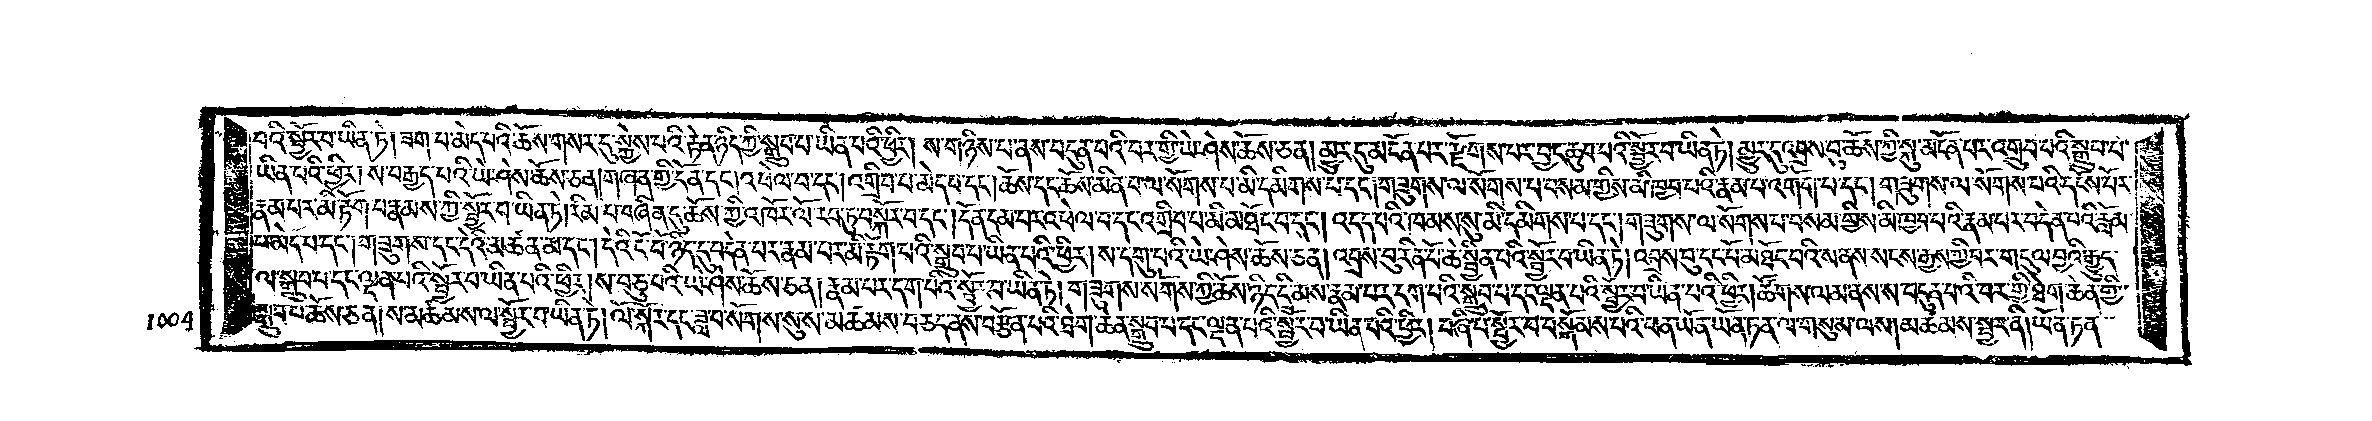བའི་སྦྱོར་བ་ཡིན་ཏེ། ཟག་པ་མེད་པའི་ཆོས་གསར་དུ་སྐྱེས་པའི་རྟེན་ཉིད་ཀྱི་སྒྲུབ་པ་ཡིན་པའི་ཕྱིར། ས་གཉིས་པ་ནས་བདུན་པའི་བར་གྱི་ཡེ་ཤེས་ཆོས་ཅན། མྱུར་དུ་མངོན་པར་རྫོགས་པར་བྱང་ཆུབ་པའི་སྦྱོར་བ་ཡིན་ཏེ། མྱུར་དུ་འབྲས་བུ་ཆོས་ཀྱི་སྐུ་མངོན་པར་འགྲུབ་པའི་སྒྲུབ་པ་
ཡིན་པའི་ཕྱིར། ས་བརྒྱད་པའི་ཡེ་ཤེས་ཆོས་ཅན། གཞན་གྱི་དོན་དང་། འཕེལ་བ་དང་། འགྲིབ་པ་མེད་པ་དང་། ཆོས་དང་ཆོས་མིན་པ་ལ་སོགས་པ་མི་དམིགས་པ་དང་། གཟུགས་ལ་སོགས་པ་བསམ་གྱིས་མི་ཁྱབ་པའི་རྣམ་པ་འགོག་པ་དང་། གཟུགས་ལ་སོགས་པའི་དངོས་པོར་
རྣམ་པར་མི་རྟོག་པ་རྣམས་ཀྱི་སྦྱོར་བ་ཡིན་ཏེ། རིམ་པ་བཞིན་དུ་ཆོས་ཀྱི་འཁོར་ལོ་རབ་ཏུ་བསྐོར་བ་དང་། དོན་དམ་པར་འཕེལ་བ་དང་འགྲིབ་པ་མི་མཐོང་བ་དང་། འདོད་པའི་ཁམས་སུ་མི་དམིགས་པ་དང་། གཟུགས་ལ་སོགས་པ་བསམ་གྱིས་མི་ཁྱབ་པའི་རྣམ་པར་བདེན་པའི་རློམ་
པ་མེད་པ་དང་། གཟུགས་དང་དེའི་མཚན་མ་དང་། དེའི་ངོ་བོ་ཉིད་དུ་བདེན་པར་རྣམ་པར་མི་རྟོག་པའི་སྒྲུབ་པ་ཡིན་པའི་ཕྱིར། ས་དགུ་པའི་ཡེ་ཤེས་ཆོས་ཅན། འབྲས་བུ་རིན་པོ་ཆེ་སྦྱིན་པའི་སྦྱོར་བ་ཡིན་ཏེ། འབྲས་བུ་དང་པོ་མཐོང་བའི་ས་ནས་སངས་རྒྱས་ཀྱི་བར་གདུལ་བྱའི་རྒྱུད་
ལ་སྒྲུབ་པ་དང་ལྡན་པའི་སྦྱོར་བ་ཡིན་པའི་ཕྱིར། ས་བཅུ་པའི་ཡེ་ཤེས་ཆོས་ཅན། རྣམ་པར་དག་པའི་སྦྱོར་བ་ཡིན་ཏེ། གཟུགས་སོགས་ཀྱི་ཆོས་ཉིད་དྲི་མས་རྣམ་པར་དག་པའི་སྒྲུབ་པ་དང་ལྡན་པའི་སྦྱོར་བ་ཡིན་པའི་ཕྱིར། ཚོགས་ལམ་ནས་ས་བདུན་པའི་བར་གྱི་ཐེག་ཆེན་གྱི་
སྒྲུབ་པ་ཆོས་ཅན། ས་མཚམས་ལ་སྦྱོར་བ་ཡིན་ཏེ། ལོ་སྐོར་དང་ཟླ་བ་སོགས་སུ་ས་མཚམས་བཅད་ནས་བརྩོན་པའི་ཐེག་ཆེན་སྒྲུབ་པ་དང་ལྡན་པའི་སྦྱོར་བ་ཡིན་པའི་ཕྱིར། བཞི་པ་སྦྱོར་བ་བསྒོམས་པའི་ཕན་ཡོན་ཏན་ལ་གསུམ་ལས། མཚམས་སྦྱར་ནི། ཡོན་ཏན་